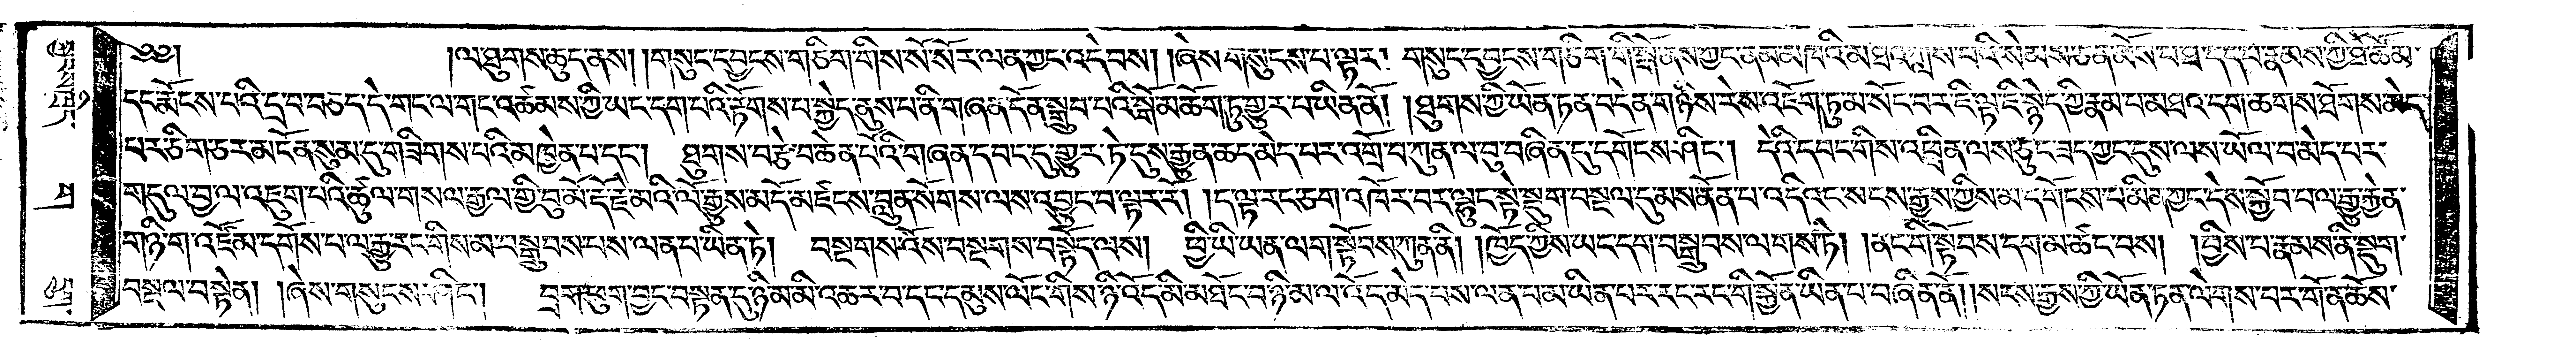༄༅། །ལ་ཐུགས་ཆུད་ནས། །གསུང་དབྱངས་གཅིག་གིས་སོ་སོར་ལན་ཀྱང་འདེབས། །ཞེས་གསུངས་པ་ལྟར། གསུང་དབྱངས་གཅིག་གི་སྒོ་ནས་ཀྱང་ནམ་མཁའི་མཐའ་ཀླས་པའི་སེམས་ཅན་མོས་པ་ཐ་དད་པ་རྣམས་ཀྱི་ཐེ་ཚོམ་
དང་རྨོངས་པའི་དྲ་བ་བཅད་དེ་གང་ལ་གང་འཚམས་ཀྱི་ཡང་དག་པའི་རྟོགས་པ་སྐྱེད་ནུས་པ་ནི་གཞན་དོན་སྒྲུབ་པའི་སྒོ་མཆོག་ཏུ་གྱུར་པ་ཡིན་ནོ། །ཐུགས་ཀྱི་ཡོན་ཏན་བདེན་གཉིས་རེས་འཇོག་ཏུ་མ་སོང་བར་ཇི་ལྟ་ཇི་སྙེད་ཀྱི་རྣམ་པ་མཐའ་དག་ཆགས་ཐོགས་མེད་
པར་ཅིག་ཅར་མངོན་སུམ་དུ་གཟིགས་པའི་མཁྱེན་པ་དང་། ཐུགས་བརྩེ་བ་ཆེན་པོའི་གཞན་དབང་དུ་གྱུར་ཏེ་དུས་རྒྱུན་ཆད་མེད་པར་འགྲོ་བ་ཀུན་ལ་བུ་བཞིན་དུ་དགོངས་ཤིང་། དེའི་དབང་གིས་འཕྲིན་ལས་ཅུང་ཟད་ཀྱང་དུས་ལས་ཡོལ་བ་མེད་པར་
གདུལ་བྱ་ལ་འཇུག་པའི་ཚུལ་གསལ་རྒྱལ་གྱི་བུ་མོ་རྡོ་རྗེ་མའི་ལོ་རྒྱུས་མདོ་མཛངས་བླུན་སོགས་ལས་འབྱུང་བ་ལྟར་རོ། །ད་ལྟ་རང་ཅག་འཁོར་བར་ལྷུང་སྟེ་སྡུག་བསྔལ་དུ་མས་ནོན་པ་འདིའང་སངས་རྒྱས་ཀྱིས་མ་དགོངས་པ་མིན་ཀྱང་དེས་སྐྱོབ་པ་ལ་རྒྱུ་རྐྱེན་
གཉི་ག་འཛོམ་དགོས་པ་ལ་རྒྱུ་རང་གིས་མ་བསྒྲུབས་པས་ལན་པ་ཡིན་ཏེ། བསྔགས་འོས་བསྔགས་བསྟོད་ལས། ཕྱི་ཡི་ཡན་ལག་སྟོབས་ཀུན་ནི། །ཁྱོད་ཀྱིས་ཡང་དག་བསྒྲུབས་ལགས་ཏེ། །ནང་གི་སྟོབས་དག་མ་ཚང་བས། །བྱིས་པ་རྣམས་ནི་སྡུག་
བསྔལ་བསྟེན། །ཞེས་གསུངས་ཤིང་། བྲག་ཕུག་བྱང་བསྟན་དུ་ཉི་མ་མི་འཆར་བ་དང་དམུས་ལོང་གིས་ཉི་འོད་མི་མཐོང་བ་ཉི་མ་ལ་འོད་མེད་པས་ལན་པ་མ་ཡིན་པར་རང་རང་གི་སྐྱོན་ཡིན་པ་བཞིན་ནོ། །སངས་རྒྱས་ཀྱི་ཡོན་ཏན་ལེགས་པར་གོ་ན་ཆོས་